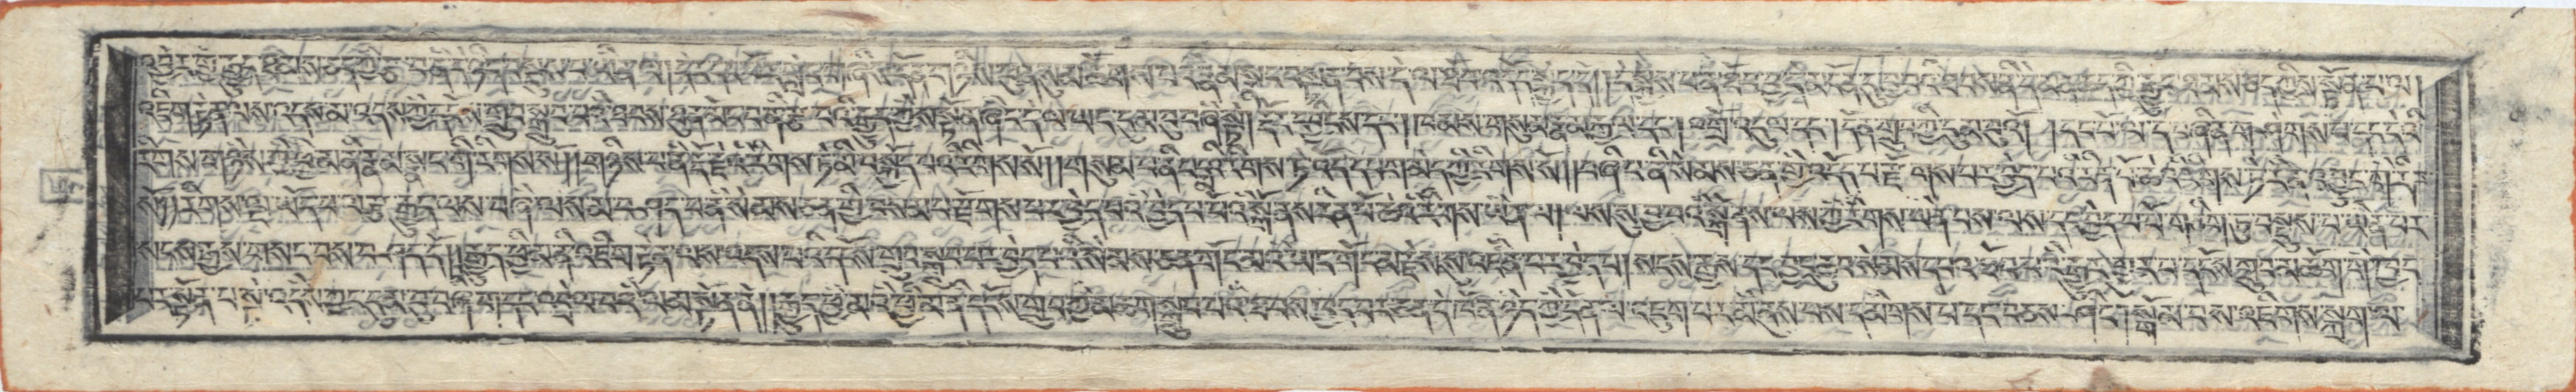འབྱོར་གྱི་རྒྱུད་ཐམས་ཅད་ཀྱི་རྩ་བ་ནི་དེ་ཉིད་བསྡུས་པ་ཡིན་ལ། དེར་དང་པོར་གླེང་གཞིས་དོན་གཉིས་ཕུན་སུམ་ཚོགས་པའི་རྣམ་སྣང་བསྟན་པས་དེ་ལ་ཐོབ་འདོད་སྐྱེད་དོ། །དེ་སྐྱེས་པ་ན་ཐོབ་བྱ་དེ་མངོན་དུ་བྱ་བའི་ཐབས་ནི་དེ་མན་ཆད་ཀྱི་རྒྱུད་ཐམས་ཅད་ཀྱིས་སྟོན་པ་ལ།
འཇིག་རྟེན་ལས་འདས་མ་འདས་ཀྱི་དངོས་གྲུབ་སྒྲུབ་པའི་ཐབས་ཐུན་མོང་བ་ནི་རྩ་བའི་རྒྱུད་ཀྱིས་སྟོན་ཞིང་དེ་ལ་ཡང་དུམ་བུ་བཞི་སྟེ། རྡོར་དབྱིངས་དང་། ཁམས་གསུམ་རྣམ་རྒྱལ་དང་། འགྲོ་འདུལ་དང་། དོན་གྲུབ་ཀྱི་དུམ་བུའོ། །དང་པོ་ལ་དེ་བཞིན་གཤེགས་པ་དང་དེའི་
རིགས་གཉིས་ཀྱི་ཕྱི་མ་ནི་རྣམ་སྣང་གི་རིགས་སོ། །གཉིས་པ་ནི་རྡོ་རྗེའི་རིགས་ཏེ་མི་བསྐྱོད་པའི་རིགས་སོ། །གསུམ་པ་ནི་པདམའི་རིགས་ཏེ་འོད་དཔག་མེད་ཀྱི་རིགས་སོ། །བཞི་པ་ནི་སེམས་ཅན་གྱི་འདོད་པ་རྫོགས་པར་བྱེད་པའི་རིན་པོ་ཆེའི་རིགས་ཏེ་རིན་འབྱུང་གི་རིགས་
སོ༑ ༑རིགས་ལྔ་ཡོད་པ་ལ་རྩ་རྒྱུད་ལས་བཞི་ལས་མ་བཤད་པ་ནི་སེམས་ཅན་གྱི་བསམ་པ་རྫོགས་པར་བྱེད་པའི་བྱེད་པ་པོའི་སྒོ་ནས་རིན་པོ་ཆེའི་རིགས་ཡིན་ལ། ལས་སུ་བྱ་བའི་སྒོ་ནས་ལས་ཀྱི་རིགས་ཡིན་པས་ལས་དང་བྱེད་པ་པོ་གཅིག་ཏུ་བསྡུས་པ་ཡིན་པར་
སངས་རྒྱས་གསང་བས་བཤད་དོ། །རྒྱུད་ཕྱི་མ་ནི་འཇིག་རྟེན་ལས་འདས་པའི་དངོས་གྲུབ་སྒྲུབ་པར་བྱེད་པའི་སེམས་ཅན་གོང་མའི་ཡང་གོང་མ་རྗེས་སུ་འཛིན་པར་བྱེད་པ། སངས་རྒྱས་དང་བྱང་ཆུབ་སེམས་དཔའ་ཐོབ་པའི་རྒྱུར་གྱུར་པ་དངོས་གྲུབ་མཆོག་གི་ཁྱད་
པར་སྟོན་པ་སྟེ་འདིས་ཀྱང་དུམ་བུ་བཞི་ག་དང་འབྲེལ་བའི་ལམ་སྟོན་ནོ། །རྒྱུད་ཕྱི་མའི་ཕྱི་མ་ནི་དངོས་གྲུབ་ཀྱི་མཆོག་སྒྲུབ་པའི་ཐབས་ཁྱད་པར་ཅན་དེ་ཁོ་ན་ཉིད་ཀྱི་དོན་ལ་འཇུག་པར་མི་ནུས་པས་དམིགས་པ་དང་བཅས་ཤིང་། སྒོམ་པས་འཇིགས་སྐྲག་ལ་